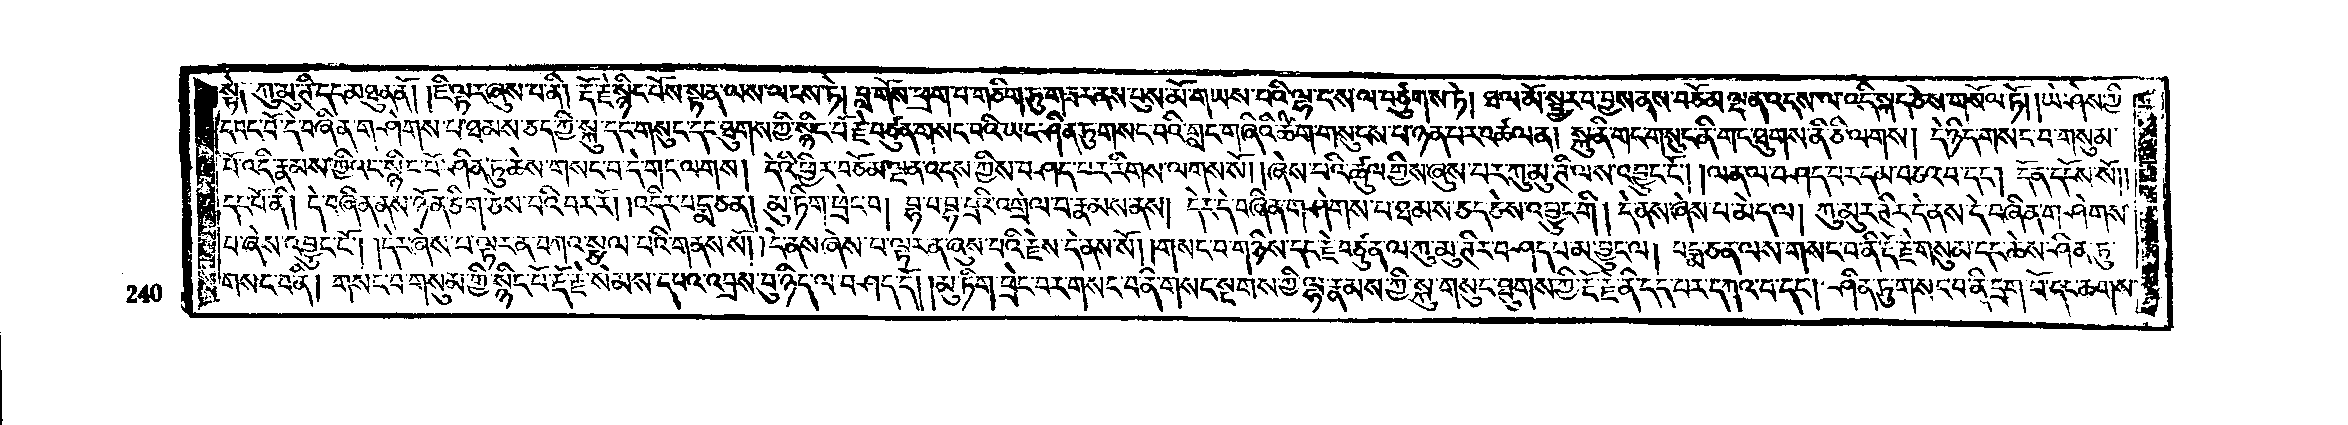སྟེ། ཀུ་མུ་ཊི་དང་མཐུན་ནོ། །ཇི་ལྟར་ཞུས་པ་ནི། རྡོ་རྗེ་སྙིང་པོས་སྟན་ལས་ལངས་ཏེ། བླ་གོས་ཕྲག་པ་གཅིག་ཏུ་གཟར་ནས་པུས་མོ་གཡས་པའི་ལྷ་ང་ས་ལ་བཙུགས་ཏེ། ཐལ་མོ་སྦྱར་བ་བྱས་ནས་བཅོམ་ལྡན་འདས་ལ་འདི་སྐད་ཅེས་གསོལ་ཏོ། །ཡེ་ཤེས་ཀྱི་
དབང་པོ་དེ་བཞིན་གཤེགས་པ་ཐམས་ཅད་ཀྱི་སྐུ་དང་གསུང་དང་ཐུགས་ཀྱི་སྙིང་པོ་རྗེ་བཙུན་གསང་བའི་ཡང་ཤིན་ཏུ་གསང་བའི་གླང་གཞིའི་ཚིག་གསུངས་པ་ཉན་པར་འཚལ་ན། སྐུ་ནི་གང་གསུང་ནི་གང་ཐུགས་ནི་ཅི་ལགས། དེ་ཉིད་གསང་བ་གསུམ་
པོ་འདི་རྣམས་ཀྱིའང་སྙིང་པོ་ཤིན་ཏུ་ཆེས་གསང་བ་དེ་གང་ལགས། དེའི་ཕྱིར་བཅོམ་ལྡན་འདས་ཀྱིས་བཤད་པར་རིགས་ལགས་སོ། །ཞེས་པའི་ཚུལ་གྱིས་ཞུས་པར་ཀུ་མུ་ཊི་ལས་འབྱུང་ངོ། །ལན་ལ་བཤད་པར་དམ་བཅའ་བ་དང་། དོན་དངོས་སོ། ། དང་པོ་ནི། དེ་བཞིན་ནས་ཉོན་ཅིག་ཅེས་པའི་བར་རོ། །འདིར་པདམ་ཅན། མུ་ཏིག་ཕྲེང་བ། བྷ་པ་བྷ་དྲའི་འགྲེལ་བ་རྣམས་ནས། དེར་དེ་བཞིན་གཤེགས་པ་ཐམས་ཅད་ཅེས་འབྱུང་གི །དེ་ནས་ཞེས་པ་མེད་ལ། ཀུ་མུར་ཊིར་དེ་ནས་དེ་བཞིན་གཤེགས་
པ་ཞེས་འབྱུང་ངོ། །དེར་ཞེས་པ་ལྟར་ན་བཀའ་སྩལ་པའི་གནས་སོ། །དེ་ནས་ཞེས་པ་ལྟར་ན་ཞུས་པའི་རྗེས་དེ་ནས་སོ། །གསང་བ་གཉིས་དང་རྗེ་བཙུན་ལ་ཀུ་མུ་ཊིར་བཤད་པ་མ་བྱུང་ལ། པདམ་ཅན་ལས་གསང་བ་ནི་རྡོ་རྗེ་གསུམ་དང་ཆེས་ཤིན་ཏུ་
གསང་བ་ནི། གསང་བ་གསུམ་གྱི་སྙིང་པོ་རྡོ་རྗེ་སེམས་དཔའ་འབྲས་བུ་ཉིད་ལ་བཤད་དོ། །མུ་ཏིག་ཕྲེང་བར་གསང་བ་ནི་གསང་སྔགས་ཀྱི་ལྷ་རྣམས་ཀྱི་སྐུ་གསུང་ཐུགས་ཀྱི་རྡོ་རྗེ་ནི་དད་པར་དཀའ་བ་དང་། ཤིན་ཏུ་གསང་བ་ནི་དྲག་པོ་དང་ཆགས་